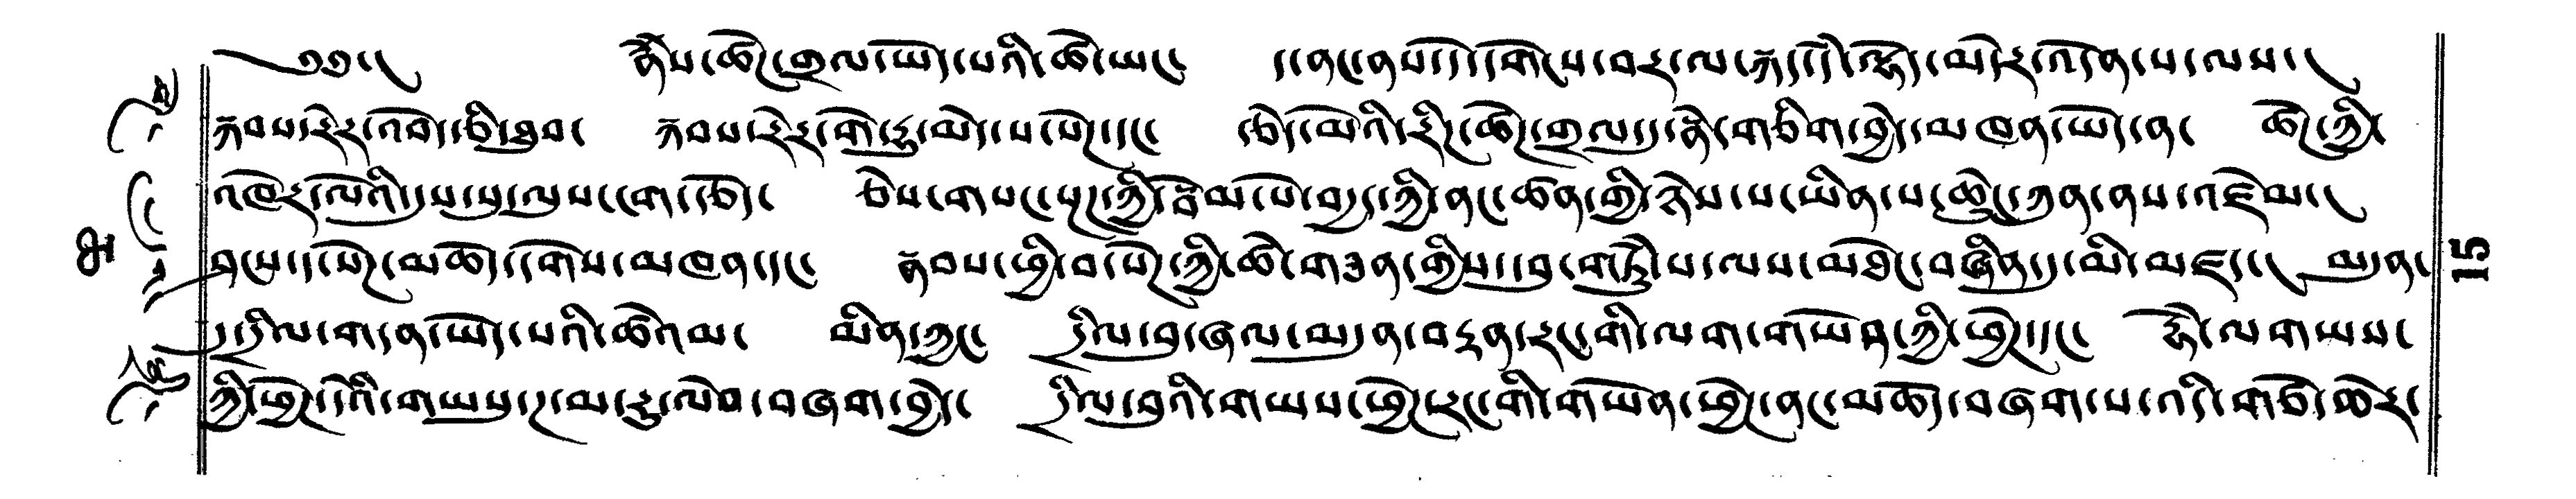རྣམས་ཚོགས་གྲལ་དུ་ཡོད་པའི་ཚེ་ཡང་། ད་ནང་ནས་དོ་དགོང་བར་ལ་སྐད་དམ་ལྷོད་མེད་པར་འདོན་པ་ལས། 
སྐབས་རེར་འབོད་ཅི་ཐུབ། སྐབས་རེར་གོ་རྒྱུ་མེད་པ་སོགས་དང་། རྩེད་མོའི་རིགས་ཚོགས་གྲལ་དུ་སྣེ་གཅིག་བྱེད་མཁན་ཡོན་ན། ཚོགས་ཀྱི་
འཁོར་ལོའི་དུས་སུ་ལུས་ངག་རྩོད། ཅེས་གསང་སྔགས་ཀྱི་སྦོམ་པོ་བརྒྱད་ཀྱི་ནང་ཚན་གྱི་ཉེས་པ་ཡིན་པས་ཆེ་ཆུང་ཀུན་ནས་འཛེམ། 
ཤངས་ཐ་སོགས་མཆོད་དགོས་མཁན་དང་། སྣབས་ཕྱི་བ་སོགས་ཀྱི་ཚེ་གཟན་གྱིས་དབུ་གཏུམ་པ་ལས་མཐོང་བཞིན་དུ་མི་མཛད། མདུན་
དུ་དྲིལ་གདན་ཡོད་པའི་ཚེའམ། མིན་ཀྱང་། དྲིལ་བུ་ཞལ་མདུན་བསྟན་རང་གི་ལག་གཡོན་ཀྱི་ཕྱོགས་དང་། རྡོ་རྗེ་ལག་གཡས་
ཀྱི་ཕྱོགས། དེའི་གཡས་སུ་ཌཱ་མ་རུ་ལེབ་བཞག་བྱེད། དྲིལ་བུའི་གཡས་ཕྱོགས་དང་རང་གི་གཡོན་ཕྱོགས་སུ་ནང་མཆོད་བཞག་པ་འདི་གཙོ་ཆེར་